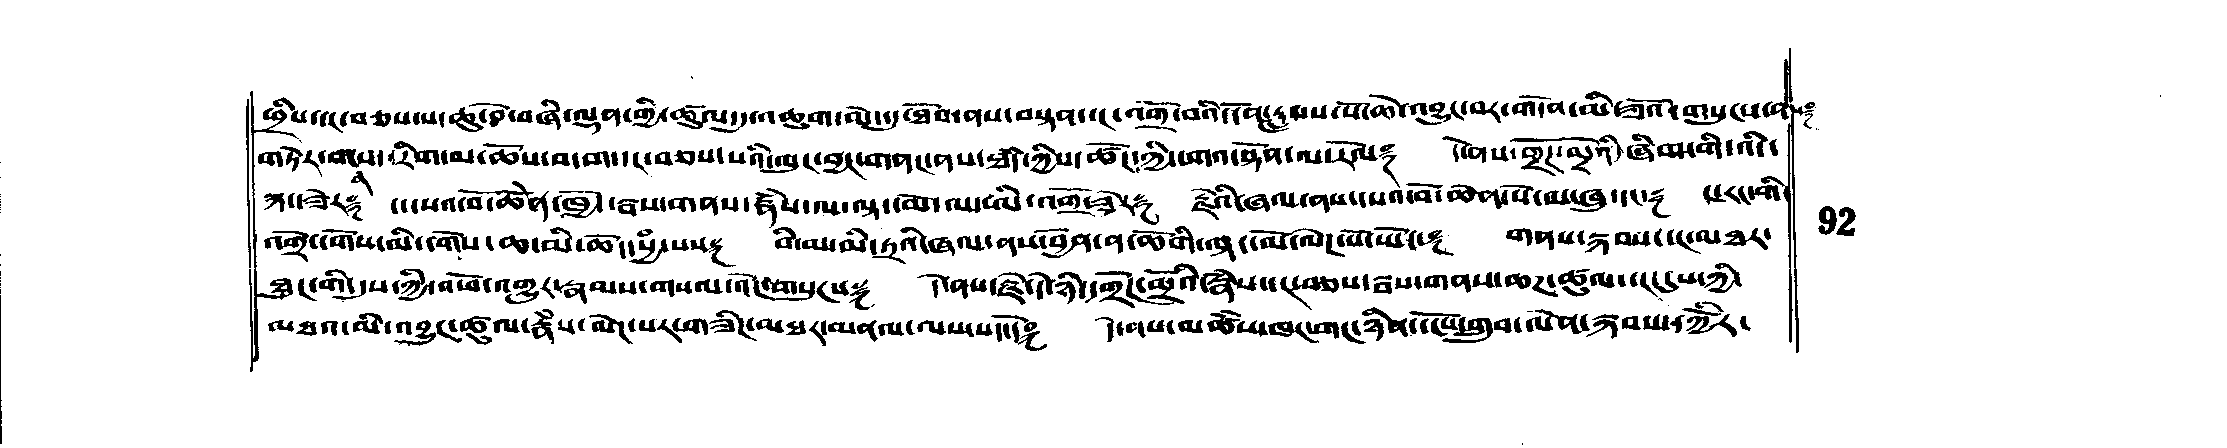ཕྲིན་ལས་དང་བཅས་པ་ཆུ་བོ་བཞི་ལྡན་གྱི་ཚུལ་དུ་འཆུག་མེད་དུ་ཐོབ་ནས་བསྟན་དང་འགྲོ་བའི་དོན་རླབས་པོ་ཆེ་འབྱུང་བར་གདོན་མི་ཟའོ་གསུངས་ནས། 
གཏེར་གནས་རིག་མ་ཆོས་བདག་དང་བཅས་པའི་ལུང་བྱང་གནང་ནས་ཐམས་ཅད་ཀྱིས་ཚོགས་ཀྱི་དགའ་སྟོན་ལ་རོལ། དེ་ནས་གྲོགས་མཁའ་འགྲོ་ཞིག་གི་འདི་
སྐད་ཟེར། ད་དཔའ་བོ་ཆེན་པོ་ཁྱོད་སྦས་གནས་རྣམས་ལ་ལྟད་མོ་ལ་ཨི་འགྲོ་ཟེར། རྗེའི་ཞལ་ནས་དཔའ་བོ་ཆེན་པོ་ལ་ཞུ་དང་། ང་རང་གི་
འགྲོ་དགོས་མི་དགོས་ཆ་མི་ཆོད་གསུངས་པས། བི་མ་མི་ཏྲའི་ཞལ་ནས་བྱོན་ན་ཆོག་གི་ལྟད་མོ་ལེགས་པོ་ཡོད། གནས་སྐབས་དང་མཐར་
ཐུག་གི་དུས་ཀྱི་འཕོ་འགྱུར་རྣམས་གསལ་འོང་གསུངས། དེ་ནས་རྗེ་དེ་ཉིད་གྲོགས་མཁའ་འགྲོ་རྣམས་དང་བཅས་སྦས་གནས་ཆགས་ཚུལ་དང་དུས་ཀྱི་
མཐའ་མི་འབྱུང་ཚུལ་རྣམས་ལེགས་པར་གཟིགས་མཐར་མནལ་ལས་སད་དོ། དེ་ནས་མཚམས་ཁང་གང་ཉིན་དངོས་གྲུབ་ལེན་སྐབས་དཀྱིལ་འཁོར་